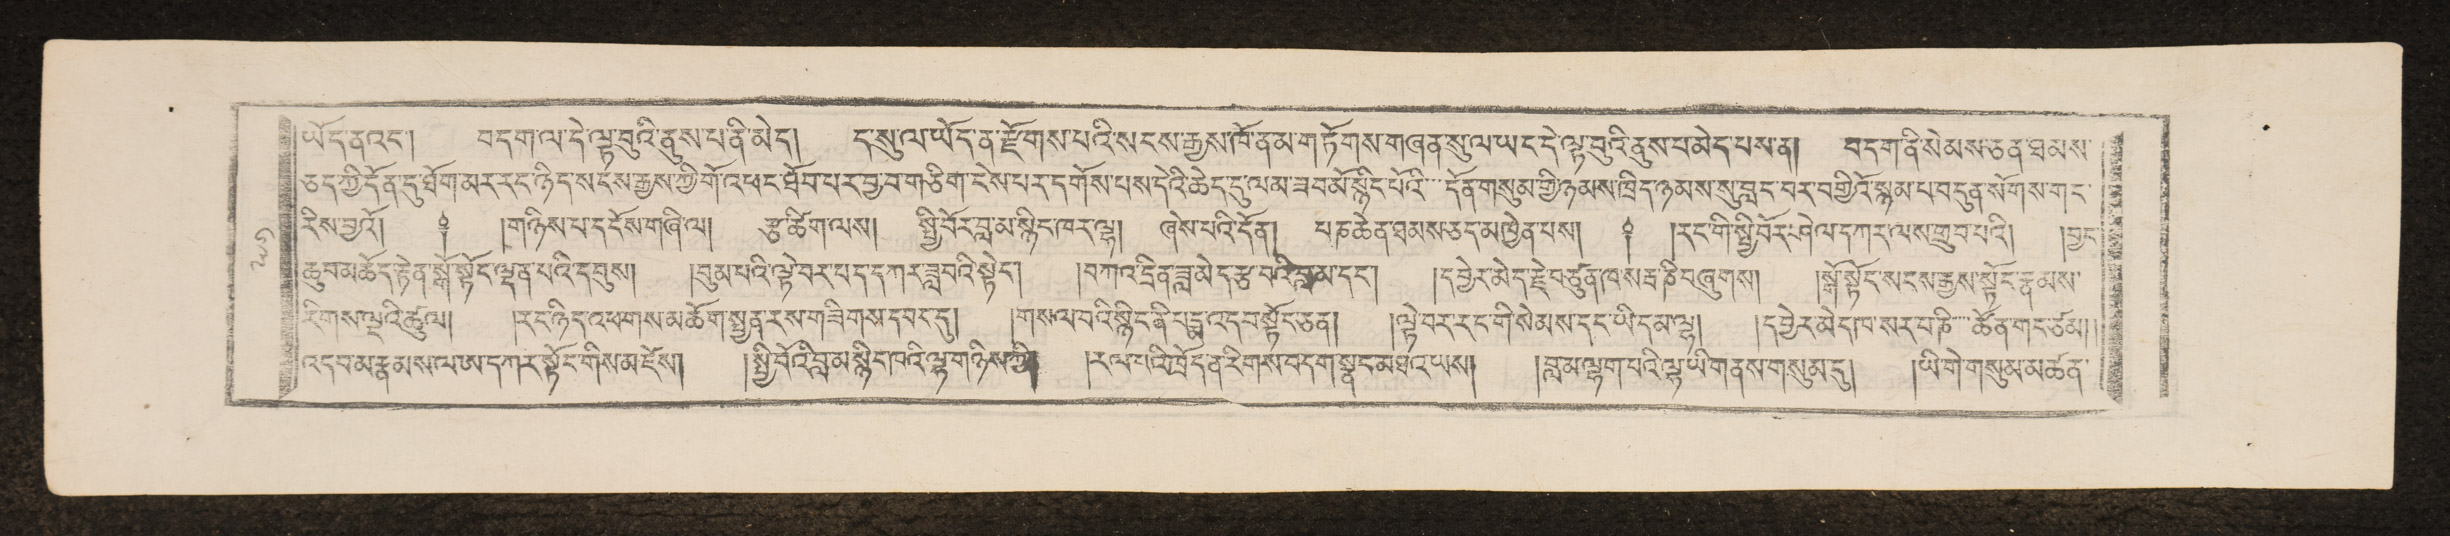ཡོད་ནའང་། བདག་ལ་དེ་ལྟ་བུའི་ནུས་པ་ནི་མེད། ད་སུ་ལ་ཡོད་ན་རྫོགས་པའི་སངས་རྒྱས་ཁོ་ན་མ་གཏོགས་གཞན་སུ་ལ་ཡང་དེ་ལྟ་བུའི་ནུས་པ་མེད་པས་ན། བདག་ནི་སེམས་ཅན་ཐམས་
ཅད་ཀྱི་དོན་དུ་ཐོག་མར་རང་ཉིད་སངས་རྒྱས་ཀྱི་གོ་འཕང་ཐོབ་པར་བྱ་བ་གཅིག་ངེས་པར་དགོས་པས་དེའི་ཆེད་དུ་ལམ་ཟབ་མོ་སྙིང་པོའི་དོན་གསུམ་གྱི་ཉམས་ཁྲིད་ཉམས་སུ་བླང་བར་བགྱིའོ་སྙམ་པ་བདུན་སོགས་གང་
རིས་བྱའོ། ༈ །གཉིས་པ་དངོས་གཞི་ལ། རྩ་ཚིག་ལས། སྤྱི་བོར་བླ་མ་སྙིང་ཁར་ལྷ། ཞེས་པའི་དོན། པཎ་ཆེན་ཐམས་ཅད་མཁྱེན་པས། ༈ །རང་གི་སྤྱི་བོར་ཤེལ་དཀར་ལས་གྲུབ་པའི། །བྱང་
ཆུབ་མཆོད་རྟེན་སྒོ་སྟོང་ལྡན་པའི་དབུས། །བུམ་པའི་ལྟེ་བར་པད་དཀར་ཟླ་བའི་སྟེང་། །བཀའ་དྲིན་བླ་མེད་རྩ་བའི་བླ་མ་དང་། །དབྱེར་མེད་རྗེ་བཙུན་ཁ་སརྦ་ཎི་བཞུགས། །སྒོ་སྟོང་སངས་རྒྱས་སྟོང་རྣམས་
རིགས་ལྔའི་ཚུལ། །རང་ཉིད་འཕགས་མཆོག་སྤྱན་རས་གཟིགས་དབང་དུ། །གསལ་བའི་སྙིང་ནི་པདམ་འདབ་སྟོང་ཅན། །ལྟེ་བར་རང་གི་སེམས་དང་ཡི་དམ་ལྷ། །དབྱེར་མེད་ཁ་སར་པ་ཎི་ཚོན་གང་ཙམ།།
འདབ་མ་རྣམས་ལ་ཨ་དཀར་སྟོང་གིས་མཛེས། །སྤྱི་བོའི་བླ་མ་སྙིང་ཁའི་ལྷ་གཉིས་ཀྱི། །རལ་པའི་ཁྲོད་ན་རིགས་བདག་སྣང་མཐའ་ཡས། །བླ་མ་ལྷག་པའི་ལྷ་ཡི་གནས་གསུམ་དུ། །ཡི་གེ་གསུམ་མཚན་